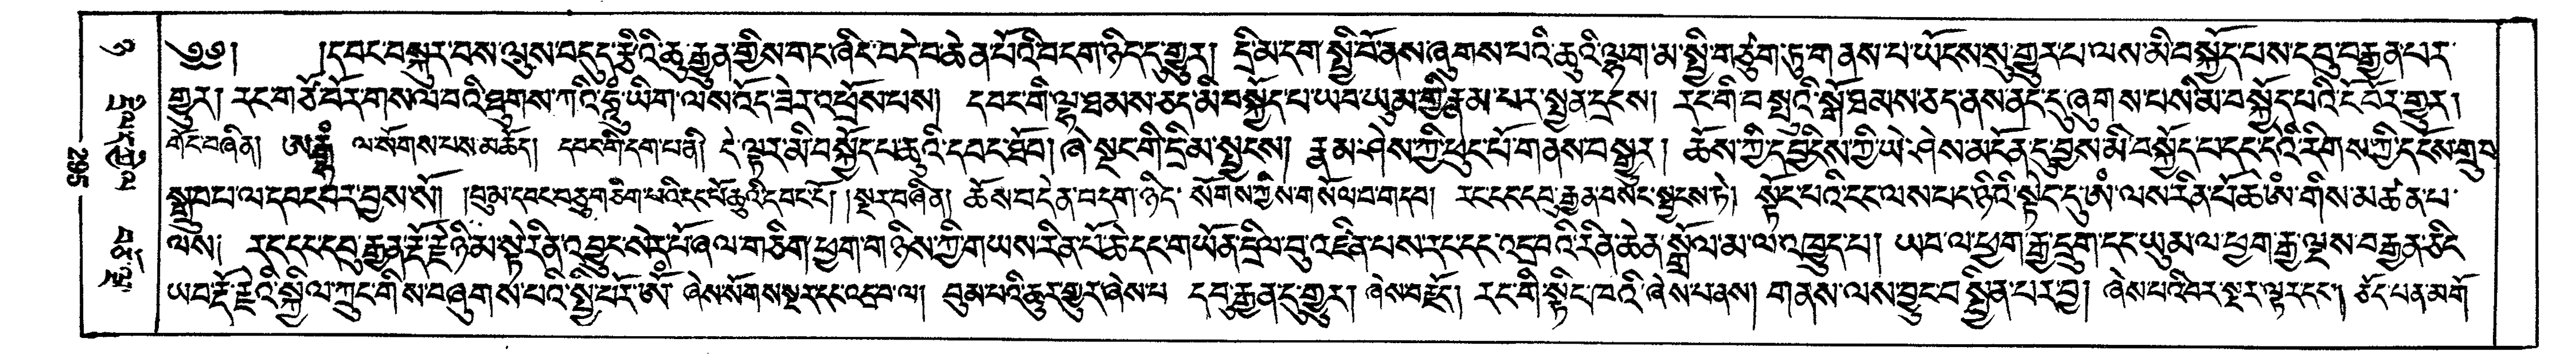༄༅། །དབང་བསྐུར་བས་ལུས་བདུད་རྩིའི་ཆུ་རྒྱུན་གྱིས་གང་ཞིང་བདེ་བ་ཆེན་པོའི་བདག་ཉིད་དུ་གྱུར། དྲི་མ་དག་སྤྱི་བོ་ནས་ཞུགས་པའི་ཆུའི་ལྷག་མ་སྤྱི་གཙུག་ཏུ་གནས་པ་ཡོངས་སུ་གྱུར་པ་ལས་མི་བསྐྱོད་པས་དབུ་བརྒྱན་པར་
གྱུར༑ རང་གཙོ་བོར་གསལ་བའི་ཐུགས་ཀའི་ཧཱུཾ་ཡིག་ལས་འོད་ཟེར་འཕྲོས་པས། དབང་གི་ལྷ་ཐམས་ཅད་མི་བསྐྱོད་པ་ཡབ་ཡུམ་གྱི་རྣམ་པར་སྤྱན་དྲངས། རང་གི་བ་སྤུའི་སྒོ་ཐམས་ཅད་ནས་ནང་དུ་ཞུགས་པས་མི་བསྐྱོད་པའི་ངོ་བོར་གྱུར།
གོང་བཞིན། ཨརྒྷཾ་ལ་སོགས་པས་མཆོད། དབང་གི་དག་པ་ནི། དེ་ལྟར་མི་བསྐྱོད་པ་ཆུའི་དབང་ཐོབ། ཞེ་སྡང་གི་དྲི་མ་སྦྱངས། རྣམ་ཤེས་ཀྱི་ཕུང་པོ་གནས་བསྒྱུར། ཆོས་ཀྱི་དབྱིངས་ཀྱི་ཡེ་ཤེས་མངོན་དུ་བྱས་མི་བསྐྱོད་པ་དང་དེའི་རིགས་ཀྱི་དངོས་གྲུབ་
སྒྲུབ་པ་ལ་དབང་བར་བྱས་སོ། །བུམ་དབང་བཅུ་གཅིག་པའི་དང་པོ་ཆུའི་དབང་ངོ། །སྔར་བཞིང་། ཆོས་བདེན་བདག་ཉིད་སོགས་ཀྱིས་གསོལ་བ་གདབ། རང་དང་དབུ་རྒྱན་བསང་སྦྱངས་ཏེ། སྟོང་བའི་ངག་ལས་པད་ཉིའི་སྟེང་དུ་ཨཾ་ལས་རིན་པོ་ཆེ་ཨཾ་གིས་མཚན་པ་
ལས༑ རང་དང་དབུ་རྒྱན་རྡོ་རྗེ་ཉི་མ་སྟེ་རིན་འབྱུང་སེར་པོ་ཞལ་གཅིག་ཕྱག་གཉིས་ཀྱི་གཡས་རིན་པོ་ཆེ་དང་གཡོན་དྲིལ་བུ་འཛིན་པས་རང་དང་འདྲ་བའི་རིན་ཆེན་སྒྲོལ་མ་ལ་འཁྱུད་པ། ཡབ་ལ་ཕྱག་རྒྱ་དྲུག་དང་ཡུམ་ལ་ཕྱག་རྒྱ་ལྔས་བརྒྱན་ཅིང་
ཡབ་རྡོ་རྗེའི་སྐྱིལ་ཀྲུང་གིས་བཞུགས་པའི་སྤྱི་བོར་ཨོཾ་ཞེས་སོགས་སྔར་དང་འདྲ་བ་ལ། བུམ་པའི་ཆུར་གྱུར་ཞེས་པ་དབུ་རྒྱན་དུ་གྱུར། ཞེས་བརྗོད། རང་གི་སྙིང་ཁའི་ཞེས་པ་ནས། གནས་ལས་བྱུང་བ་སྦྱིན་པར་བྱ། ཞེས་པའི་བར་སྔར་ལྟར་དང་། ཅོད་བན་མགོ་